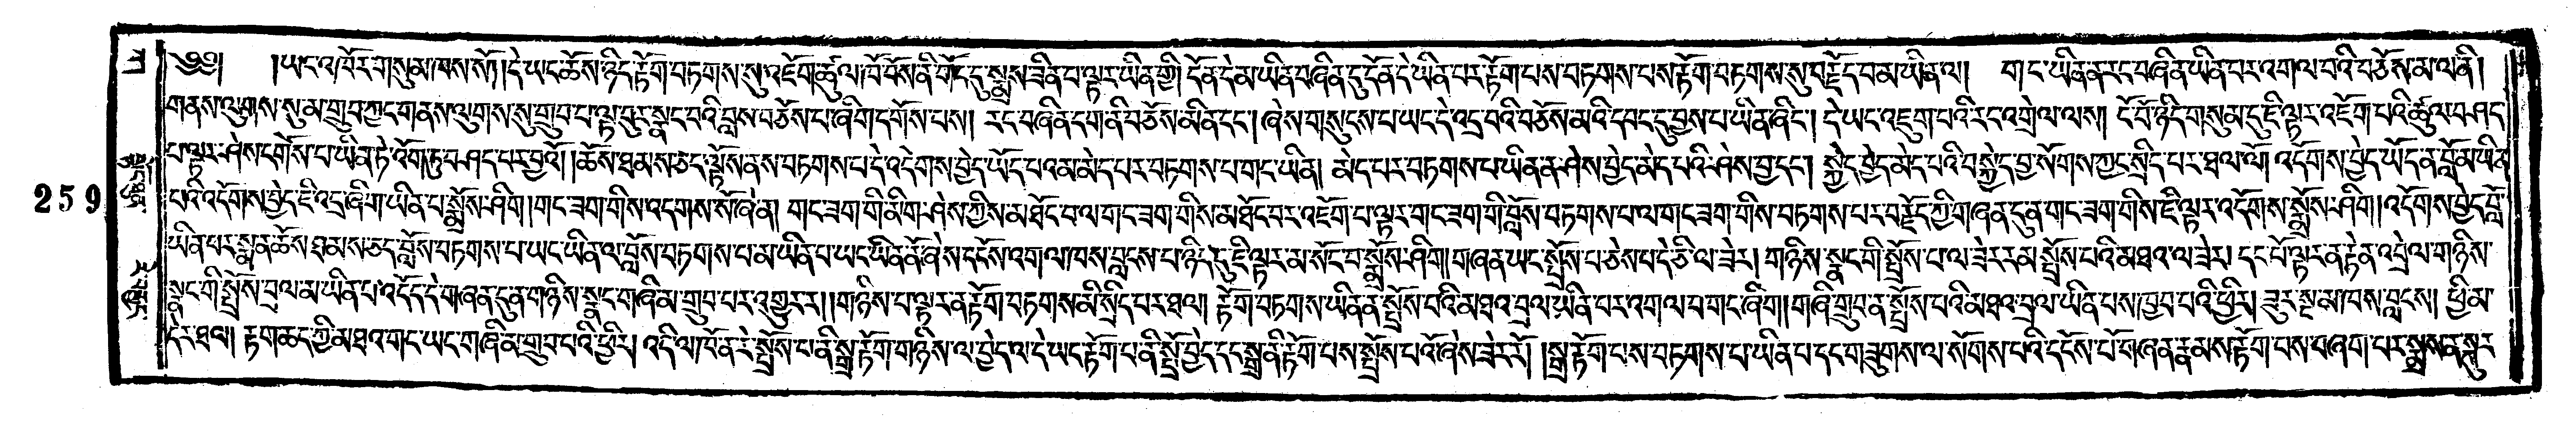༄༅། །ཡང་འཁོར་གསུམ་ཁས་སོ། །དེ་ཡང་ཆོས་ཉིད་རྟོག་བཏགས་སུ་འཇོག་ཚུལ་ཁོ་བོས་ནི་གོང་དུ་སྨྲས་ཟིན་པ་ལྟར་ཡིན་གྱི། དོན་དེ་མ་ཡིན་བཞིན་དུ་དོན་དེ་ཡིན་པར་རྟོག་པས་བཏགས་པས་རྟོག་བཏགས་སུ་བརྗོད་བ་མ་ཡིན་ལ། གང་ཡིན་ན་རང་བཞིན་ཡིན་པར་འགལ་བའི་བཅོས་མ་ལ་ནི།
གནས་ལུགས་སུ་མ་གྲུབ་ཀྱང་གནས་ལུགས་སུ་གྲུབ་པ་ལྟ་བུར་སྣང་བའི་བླས་བཅོས་པ་ཞིག་དགོས་པས། རང་བཞིན་དག་ནི་བཅོས་མིན་དང་། ཞེས་གསུངས་པ་ཡང་དེ་འདྲ་བའི་བཅོས་མའི་དབང་དུ་བྱས་པ་ཡིན་ཞིང་། དེ་ཡང་འཇུག་པའི་རང་འགྲེལ་ལས། ངོ་བོ་ཉིད་གསུམ་དུ་ཇི་ལྟར་འཇོག་པའི་ཚུལ་བཤད་
པ་ལྟར་ཤེས་དགོས་པ་ཡིན་ཏེ་འོག་ཏུ་བཤད་པར་བྱའོ། །ཆོས་ཐམས་ཅད་ལྟོས་ནས་བཏགས་པ་དེ་འདོགས་བྱེད་ཡོད་པའམ་མེད་པར་བཏགས་པ་གང་ཡིན། མེད་པར་བཏགས་པ་ཡིན་ན་ཤེས་བྱེད་མེད་པའི་ཤེས་བྱ་དང་། སྐྱེད་བྱེད་མེད་པའི་བསྐྱེད་བྱ་སོགས་ཀྱང་སྲིད་པར་ཐལ་ལོ། འདོགས་བྱེད་ཡོད་ན་བློ་མ་ཡིན་
པའི་འདོགས་བྱེད་ཇི་འདྲ་ཞིག་ཡིན་པ་སྨྲོས་ཤིག །གང་ཟག་གིས་འདགས་སོ་ཞེ་ན། གང་ཟག་གི་མིག་ཤེས་ཀྱིས་མཐོང་བ་ལ་གང་ཟག་གིས་མཐོང་བར་འཇོག་པ་ལྟར་གང་ཟག་གི་བློས་བཏགས་པ་ལ་གང་ཟག་གིས་བཏགས་པར་བརྗོད་ཀྱི་གཞན་དུ་ན་གང་ཟག་གིས་ཇི་ལྟར་འདོགས་སྨྲོས་ཤིག །འདོགས་བྱེད་བློ་
ཡིན་པར་སྨན་ཆོས་ཐམས་ཅད་བློས་བཏགས་པ་ཡང་ཡིན་ལ་བློས་བཏགས་པ་མ་ཡིན་པ་ཡང་ཡིན་ནོ་ཞེས་དངོས་འགལ་ཁས་བླངས་པ་ཉིད་དུ་ཇི་ལྟར་མ་སོང་བ་སྨྲོས་ཤིག། གཞན་ཡང་སྤྲོས་པ་ཅེས་པ་དེ་ཅི་ལ་ཟེར། གཉིས་སྣང་གི་སྤྲོས་པ་ལ་ཟེར་རམ་སྤྲོས་པའི་མཐའ་ལ་ཟེར། དང་པོ་ལྟར་ན་རྟེན་འབྲེལ་གཉིས་
སྣང་གི་སྤྲོས་བྲལ་མ་ཡིན་པ་འདོད་དེ་གཞན་དུ་ན་གཉིས་སྣང་གཞི་མ་གྲུབ་པར་འགྱུར་རོ། །གཉིས་པ་ལྟར་ན་རྟོག་བཏགས་མི་སྲིད་པར་ཐལ། རྟོག་བཏགས་ཡིན་ན་སྤྲོས་པའི་མཐའ་བྲལ་ཡིན་བར་འགལ་བ་གང་ཞིག། གཞི་གྲུབ་ན་སྤྲོས་བའི་མཐའ་བྲལ་ཡིན་པས་ཁྱབ་པའི་ཕྱིར། ཟུར་སྔ་མ་ཁས་བླངས། ཕྱི་མ་
དེར་ཐལ། རྟག་ཆད་ཀྱི་མཐའ་གང་ཡང་གཞི་མ་གྲུབ་པའི་ཕྱིར། འདི་ལ་ཁོ་ན་རེ་སྤྲོས་པ་ནི་སྒྲ་རྟོག་གཉིས་ལ་བྱེད་ལ་དེ་ཡང་རྟོག་པ་ནི་སྤྲོ་བྱེད་དང་སྒྲ་ནི་རྟོག་པས་སྤྲོས་པའོ་ཞེས་ཟེར་རོ། །སྒྲ་རྟོག་པས་བཏགས་པ་ཡིན་པ་དང་གཟུགས་ལ་སོགས་པའི་དངོས་པོ་གཞན་རྣམས་རྟོག་པས་བཞག་པར་སྨྲས་ན་སྐུར་